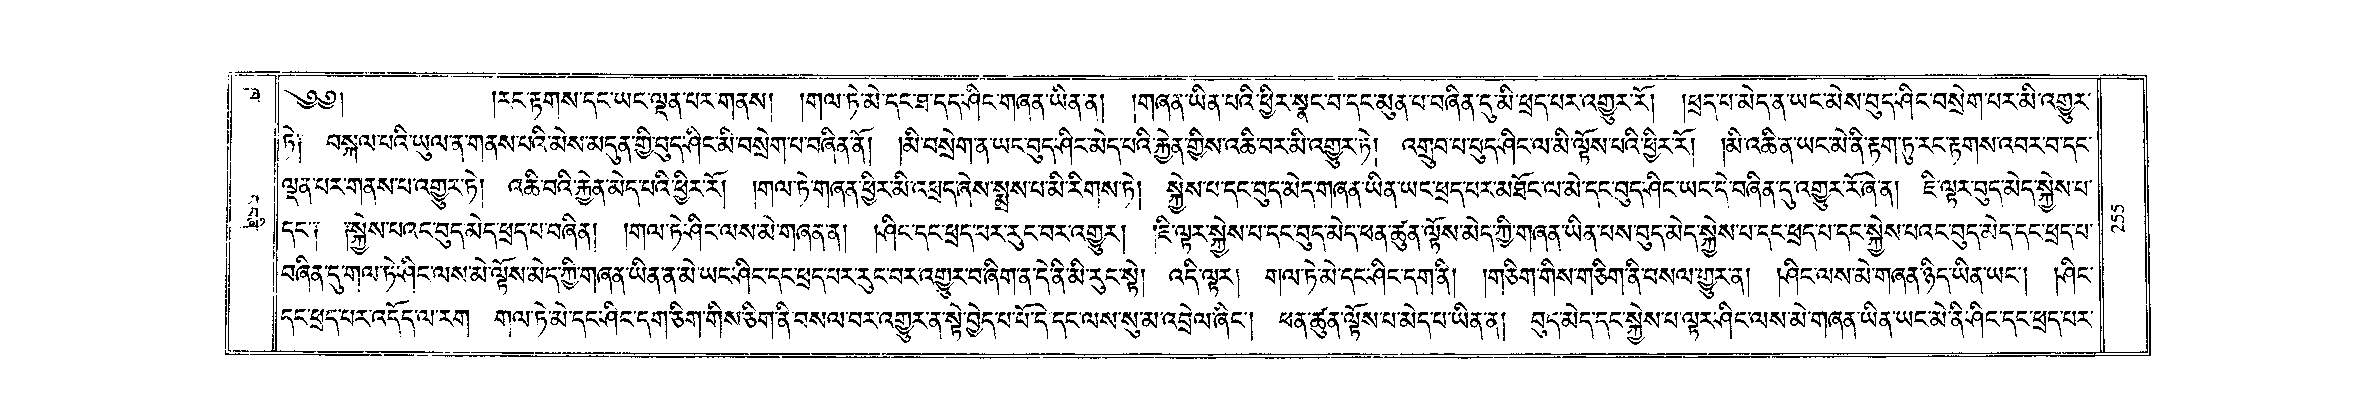༄༅། །རང་རྟགས་དང་ཡང་ལྡན་པར་གནས། །གལ་ཏེ་མེ་དང་ཐ་དད་ཤིང་གཞན་ཡིན་ན། །གཞན་ཡིན་པའི་ཕྱིར་སྣང་བ་དང་མུན་པ་བཞིན་དུ་མི་ཕྲད་པར་འགྱུར་རོ། །ཕྲད་པ་མེད་ན་ཡང་མེས་བུད་ཤིང་བསྲེག་པར་མི་འགྱུར་
ཏེ༑ བསྐལ་པའི་ཡུལ་ན་གནས་པའི་མེས་མདུན་གྱི་བུད་ཤིང་མི་བསྲེག་པ་བཞིན་ནོ། །མི་བསྲེག་ན་ཡང་བུད་ཤིང་མེད་པའི་རྐྱེན་གྱིས་འཆི་བར་མི་འགྱུར་ཏེ། འགྲུབ་པ་བུད་ཤིང་ལ་མི་ལྟོས་པའི་ཕྱིར་རོ། །མི་འཆི་ན་ཡང་མེ་ནི་རྟག་ཏུ་རང་རྟགས་འབར་བ་དང་
ལྡན་པར་གནས་པ་འགྱུར་ཏེ། འཆི་བའི་རྐྱེན་མེད་པའི་ཕྱིར་རོ། །གལ་ཏེ་གཞན་ཕྱིར་མི་འཕྲད་ཞེས་སྨྲས་པ་མི་རིགས་ཏེ། སྐྱེས་པ་དང་བུད་མེད་གཞན་ཡིན་ཡང་ཕྲད་པར་མཐོང་ལ་མེ་དང་བུད་ཤིང་ཡང་དེ་བཞིན་དུ་འགྱུར་རོ་ཞེ་ན། ཇི་ལྟར་བུད་མེད་སྐྱེས་པ་
དང༑ ༑སྐྱེས་པའང་བུད་མེད་ཕྲད་པ་བཞིན། །གལ་ཏེ་ཤིང་ལས་མེ་གཞན་ན། །ཤིང་དང་ཕྲད་པར་རུང་བར་འགྱུར། །ཇི་ལྟར་སྐྱེས་པ་དང་བུད་མེད་ཕན་ཚུན་ལྟོས་མེད་ཀྱི་གཞན་ཡིན་པས་བུད་མེད་སྐྱེས་པ་དང་ཕྲད་པ་དང་སྐྱེས་པའང་བུད་མེད་དང་ཕྲད་པ་
བཞིན་དུ་གལ་ཏེ་ཤིང་ལས་མེ་ལྟོས་མེད་ཀྱི་གཞན་ཡིན་ན་མེ་ཡང་ཤིང་དང་ཕྲད་པར་རུང་བར་འགྱུར་བ་ཞིག་ན་དེ་ནི་མི་རུང་སྟེ། འདི་ལྟར། གལ་ཏེ་མེ་དང་ཤིང་དག་ནི། །གཅིག་གིས་གཅིག་ནི་བསལ་གྱུར་ན། །ཤིང་ལས་མེ་གཞན་ཉིད་ཡིན་ཡང་། །ཤིང་
དང་ཕྲད་པར་འདོད་ལ་རག་གལ་ཏེ་མེ་དང་ཤིང་དག་ཅིག་གིས་ཅིག་ནི་བསལ་བར་འགྱུར་ན་སྟེ་བྱེད་པ་པོ་དེ་དང་ལས་སུ་མ་འབྲེལ་ཞིང་། ཕན་ཚུན་ལྟོས་པ་མེད་པ་ཡིན་ན། བུད་མེད་དང་སྐྱེས་པ་ལྟར་ཤིང་ལས་མེ་གཞན་ཡིན་ཡང་མེ་ནི་ཤིང་དང་ཕྲད་པར་